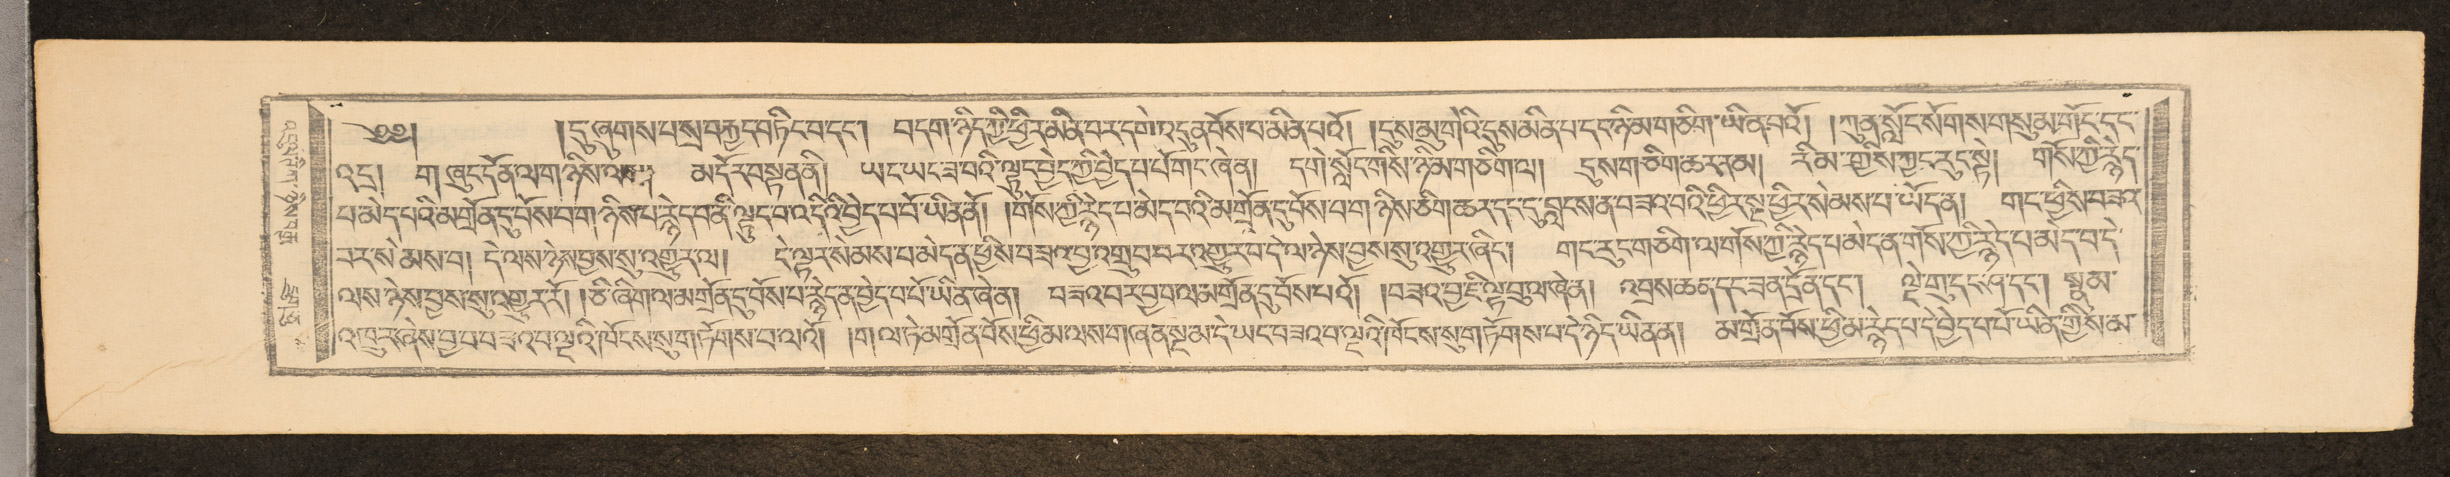༄༅། །དུ་ཞུགས་པ་སྲ་བརྐྱང་བཏིང་བ་དང་། བདག་ཉིད་ཀྱི་ཕྱིར་མིན་པར་དགེ་འདུན་བོས་པ་མིན་པའོ། །དུས་མུ་གེའི་དུས་མིན་པ་དང་ཉི་མ་གཅིག་ཡིན་པའོ། །ཀུན་སློང་སོགས་གསུམ་གོང་དང་
འདྲ། གཞུང་དོན་ལ་གཉིས་ལས། མདོར་བསྟན་ནི། ཡང་ཡང་ཟ་བའི་ལྟུང་བྱེད་ཀྱི་བྱེད་པ་པོ་གང་ཞེ་ན། དགེ་སློང་གིས་ཉི་མ་གཅིག་ལ། དུས་གཅིག་ཆར་རམ། རིས་གྱིས་ཀྱང་རུང་སྟེ། གོས་ཀྱི་རྙེད་
པ་མེད་པའི་མགྲོན་དུ་བོས་པ་གཉིས་པ་རྙེད་པ་ནི་ལྟུང་བ་འདིའི་བྱེད་པ་པོ་ཡིན་ནོ། །གོས་ཀྱི་རྙེད་པ་མེད་པའི་མགྲོན་དུ་བོས་པ་གཉིས་ཅིག་ཆར་དང་དུ་བླངས་ན་བཟའ་བའི་ཕྱིར་སྔ་ཕྱིར་སེམས་པ་ཡོད་ན། གང་ཕྱིས་བཟའ་
བར་སེམས་པ། དེ་ལས་ཉེས་བྱས་སུ་འགྱུར་ལ། དེ་ལྟར་སེམས་པ་མེད་ན་ཕྱིས་བཟའ་བྱ་འགྲུབ་པར་འགྱུར་བ་དེ་ལ་ཉེས་བྱས་སུ་འགྱུར་ཞིང་། གང་རུང་གཅིག་ལ་གོས་ཀྱི་རྙེད་པ་མེད་ན་གོས་ཀྱི་རྙེད་པ་མེད་པ་དེ་
ལས་ཉེས་བྱས་སུ་འགྱུར་རོ། །ཅི་ཞིག་ལ་མགྲོན་དུ་བོས་པ་རྙེད་ན་བྱེད་པ་པོ་ཡིན་ཞེ་ན། བཟའ་བར་བྱ་བ་ལ་མགྲོན་དུ་བོས་པའོ། །བཟའ་བྱ་ཇི་ལྟ་བུ་ལ་ཞེ་ན། འབྲས་ཆན་དང་ཟན་དྲོན་དང་། ལྡེ་གུ་དང་ཤ་དང་། སྣུམ་
འཁུར་ཞེས་བྱ་བ་བཟའ་བ་ལྔའི་ཁོངས་སུ་གཏོགས་པ་ལའོ། །གལ་ཏེ་མགྲོན་བོས་ཕྱི་མ་ལས་གཞན་སྔ་མ་དེ་ཡང་བཟའ་བ་ལྔའི་ཁོངས་སུ་གཏོགས་པ་དེ་ཉིད་ཡིན་ན། མགྲོན་བོས་ཕྱི་མ་རྙེད་པ་དེ་བྱེད་པ་པོ་ཡིན་གྱི། མ་